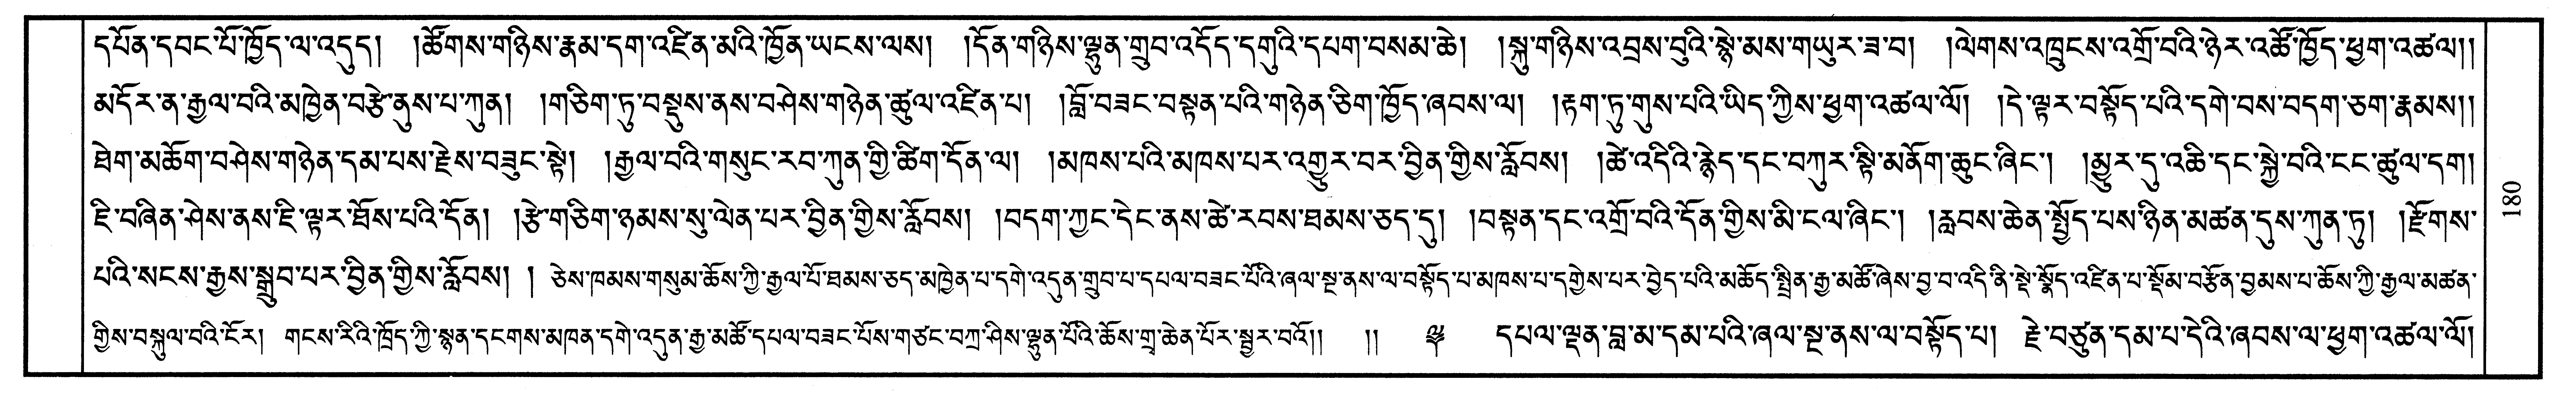དཔོན་དབང་པོ་ཁྱོད་ལ་འདུད། །ཚོགས་གཉིས་རྣམ་དག་འཛིན་མའི་ཁྱོན་ཡངས་ལས། །དོན་གཉིས་ལྷུན་གྲུབ་འདོད་དགུའི་དཔག་བསམ་ཆེ། །སྐུ་གཉིས་འབྲས་བུའི་སྙེ་མས་གཡུར་ཟ་བ། །ལེགས་འཁྲུངས་འགྲོ་བའི་ཉེར་འཚོ་ཁྱོད་ཕྱག་འཚལ།།
མདོར་ན་རྒྱལ་བའི་མཁྱེན་བརྩེ་ནུས་པ་ཀུན། །གཅིག་ཏུ་བསྡུས་ནས་བཤེས་གཉེན་ཚུལ་འཛིན་པ། །བློ་བཟང་བསྟན་པའི་གཉེན་ཅིག་ཁྱོད་ཞབས་ལ། །རྟག་ཏུ་གུས་པའི་ཡིད་ཀྱིས་ཕྱག་འཚལ་ལོ། །དེ་ལྟར་བསྟོད་པའི་དགེ་བས་བདག་ཅག་རྣམས།།
ཐེག་མཆོག་བཤེས་གཉེན་དམ་པས་རྗེས་བཟུང་སྟེ། །རྒྱལ་བའི་གསུང་རབ་ཀུན་གྱི་ཚིག་དོན་ལ། །མཁས་པའི་མཁས་པར་འགྱུར་བར་བྱིན་གྱིས་རློབས། །ཚེ་འདིའི་རྙེད་དང་བཀུར་སྟི་མནོག་ཆུང་ཞིང་། །མྱུར་དུ་འཆི་དང་སྐྱེ་བའི་ངང་ཚུལ་དག།
ཇི་བཞིན་ཤེས་ནས་ཇི་ལྟར་ཐོས་པའི་དོན། །རྩེ་གཅིག་ཉམས་སུ་ལེན་པར་བྱིན་གྱིས་རློབས། །བདག་ཀྱང་དེང་ནས་ཚེ་རབས་ཐམས་ཅད་དུ། །བསྟན་དང་འགྲོ་བའི་དོན་གྱིས་མི་ངལ་ཞིང་། །རླབས་ཆེན་སྤྱོད་པས་ཉིན་མཚན་དུས་ཀུན་ཏུ། །རྫོགས་
པའི་སངས་རྒྱས་སྒྲུབ་པར་བྱིན་གྱིས་རློབས་།ཅེས་ཁམས་གསུམ་ཆོས་ཀྱི་རྒྱལ་པོ་ཐམས་ཅད་མཁྱེན་པ་དགེ་འདུན་གྲུབ་པ་དཔལ་བཟང་པོའི་ཞལ་སྔ་ནས་ལ་བསྟོད་པ་མཁས་པ་དགྱེས་པར་བྱེད་པའི་མཆོད་སྤྲིན་རྒྱ་མཚོ་ཞེས་བྱ་བ་འདི་ནི་སྡེ་སྣོད་འཛིན་པ་སྡོམ་བརྩོན་བྱམས་པ་ཆོས་ཀྱི་རྒྱལ་མཚན་
གྱིས་བསྐུལ་བའི་ངོར། གངས་རིའི་ཁྲོད་ཀྱི་སྙན་དངགས་མཁན་དགེ་འདུན་རྒྱ་མཚོ་དཔལ་བཟང་པོས་གཙང་བཀྲ་ཤིས་ལྷུན་པོའི་ཆོས་གྲྭ་ཆེན་པོར་སྦྱར་བའོ།། །། ༈ དཔལ་ལྡན་བླ་མ་དམ་པའི་ཞལ་སྔ་ནས་ལ་བསྟོད་པ། རྗེ་བཙུན་དམ་པ་དེའི་ཞབས་ལ་ཕྱག་འཚལ་ལོ།